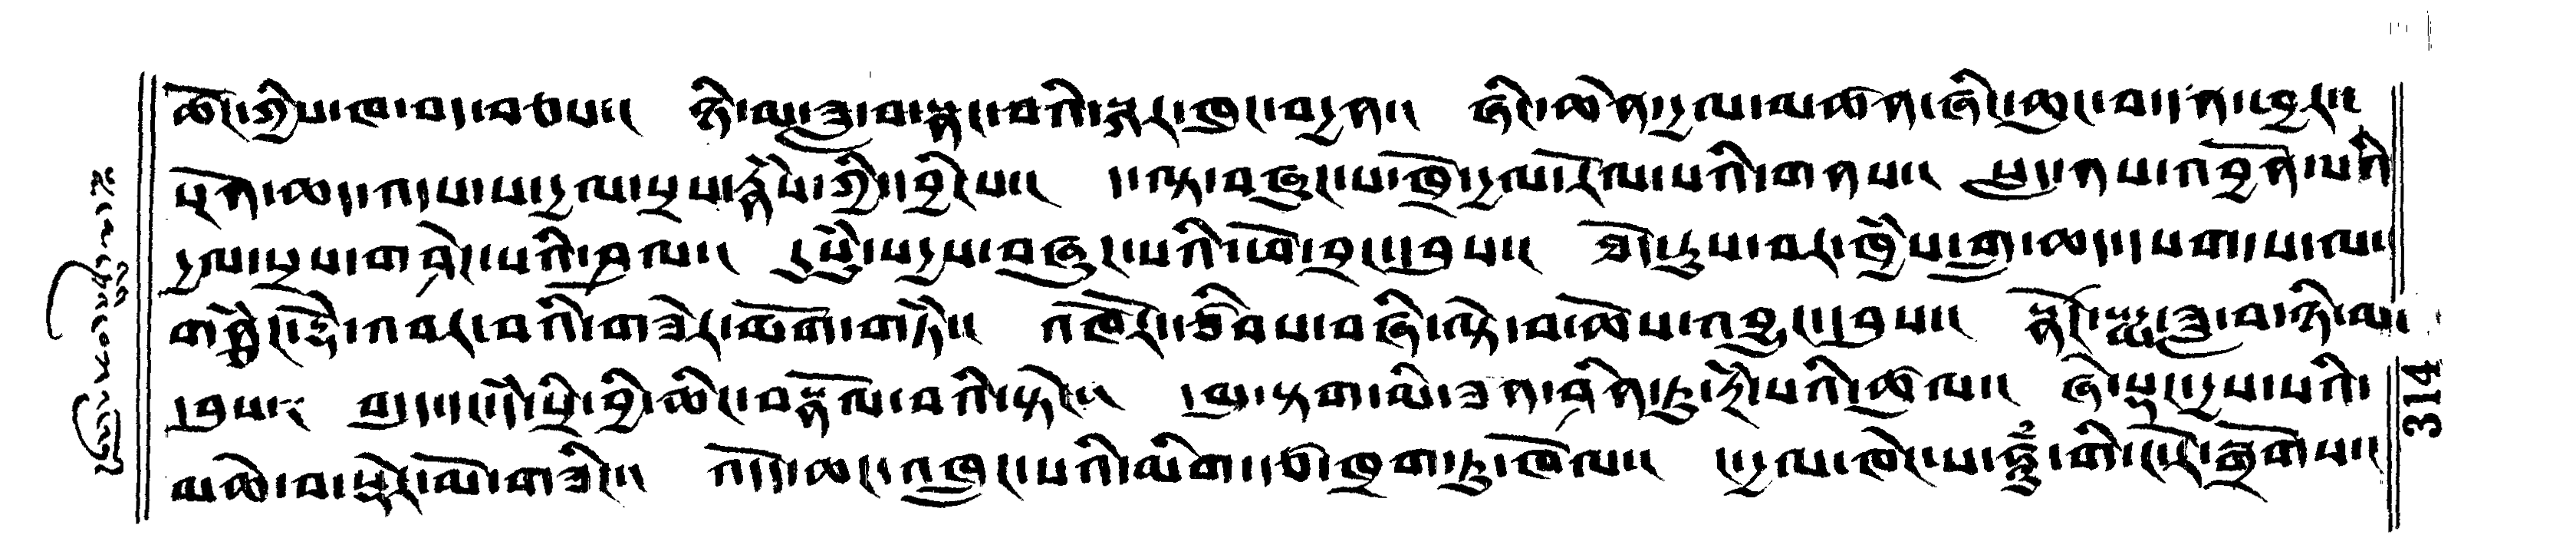ཚོགས་ཀྱིས་ཁ་བད་བཅས། །ཉི་མ་ཟླ་བ་སྣང་བའི་སྐར་ཁུང་བརྒྱན། །ཞིང་ཆེན་རྒྱལ་མཚན་ཞིང་ཆུང་བ་དན་འཕྱར། །
སྔོན་ཆད་འདས་པའི་རྒྱལ་སྲས་རྣམས་ཀྱི་དབྱིངས། །ད་ལྟ་བཞུགས་པ་ཁྲོ་རྒྱལ་རོལ་པའི་གནས། །སླད་ནས་འབྱོན་པའི་
རྒྱལ་སྲས་གཤེགས་པའི་ཤུལ། །དུས་གསུམ་སངས་རྒྱས་བཞུགས་པའི་ཕོ་བྲང་དབུས། །ཐོད་རུས་བར་ཁྱམས་གྲུ་ཆད་དཔག་ས་ལ། 
གནམ་ལྕགས་རྡོ་རྗེ་འབར་བའི་གཟེར་མས་གཏམ། །འཁོར་ལོ་རྩིབས་བཞི་ལྟེ་བ་ཆོས་འབྱུང་དབུས། །སྣ་ཚོགས་པདྨ་ཟླ་བ་ཉི་མའི་
དབུས། །བདུད་དང་དམ་སྲི་བྱི་ཆིངས་བསྣོལ་བའི་སྟེང་། །དམུ་སྟག་མི་ཟན་ཤིན་ཏུ་རྔམ་པའི་ཚུལ། །ཞེ་སྡང་རྒྱས་པའི་
མཆེ་བ་སྡེར་མོ་གཟིངས། །འདོད་ཆགས་འཁྲུགས་པའི་མིག་རྩ་ཁྲག་ཏུ་ཁོལ། །ང་རྒྱལ་ཁེངས་པའི་ཧཱུྃ་གི་ང་རོ་སྒྲོག